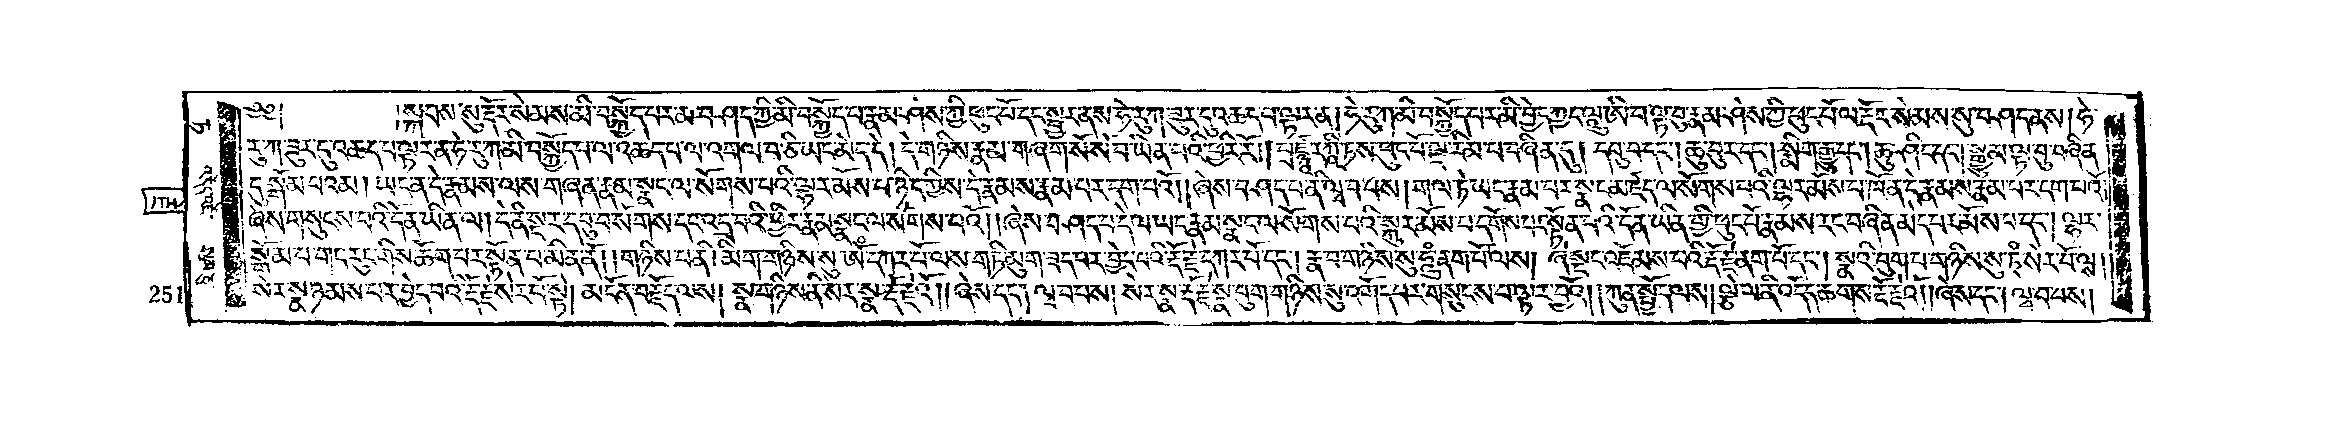༄༅། །སྐབས་སུ་རྡོར་སེམས་མི་བསྐྱོད་པར་མ་བཤད་ཀྱི་མི་བསྐྱོད་པ་རྣམ་ཤེས་ཀྱི་ཕུང་པོ་དང་སྦྱར་ནས་ཧེ་རུ་ཀ་ཟུར་དུ་འཆད་པ་ལྟར་ན། ཧེ་རུ་ཀ་མི་བསྐྱོད་པར་མི་བྱེད་ཀྱང་ལཱུ་ཨི་པ་ལྟ་བུ་རྣམ་ཤེས་ཀྱི་ཕུང་པོ་ལ་རྡོར་སེམས་སུ་བཤད་ནས། ཧེ་
རུ་ཀ་ཟུར་དུ་འཆད་པ་ལྟར་ན་ཧེ་རུ་ཀ་མི་བསྐྱོད་པ་ལ་འཆེད་པ་ལ་འགལ་བ་ཅི་ཡང་མེད་དེ། དེ་གཉིས་རྣམ་གཞག་སོ་སོ་བ་ཡིན་པའི་ཕྱིར་རོ། །པྲཛྙཱ་རཀྵི་ཏས་ཕུང་པོ་ལྔ་རིམ་པ་བཞིན་དུ། དབུ་བ་དང་། ཆུ་བུར་དང་། སྨིག་རྒྱུ་དང་། ཆུ་ཤིང་དང་། སྒྱུ་མ་ལྟ་བུ་བཞིན་
དུ་སྒོམ་པའམ། ཡང་ན་དེ་རྣམས་ལས་གཞན་རྣམ་སྣང་ལ་སོགས་པའི་ལྷར་མོས་པ་ཉིད་ཀྱིས་དེ་རྣམས་རྣམ་པར་དག་པའོ། །ཞེས་བཤད་པ་ནི་ལྭ་བ་པས། གལ་ཏེ་ཡང་རྣམ་པར་སྣང་མཛད་ལ་སོགས་པའི་ལྷར་མོས་པ་ཁོ་ན་དེ་རྣམས་རྣམ་པར་དག་པའོ།
ཞེས་གསུངས་པའི་དོན་ཡིན་ལ། དེ་ནི་སྔར་དབུ་བ་སོགས་དང་འདྲ་བའི་ཕྱིར་རྣམ་སྣང་ལ་སོགས་པའོ། །ཞེས་བཤད་པ་དེ་ལ་ཡང་རྣམ་སྣང་ལ་སོགས་པའི་སྐུར་མོས་པ་དགོས་པར་སྟོན་པའི་དོན་ཡིན་གྱི་ཕུང་པོ་རྣམས་རང་བཞིན་མེད་པར་མོས་པ་དང་། ལྷར་
སྒོམ་པ་གང་རུང་གིས་ཆོག་པར་སྟོན་པ་མིན་ནོ། །གཉིས་པ་ནི། མིག་གཉིས་སུ་ཨོཾ་དཀར་པོ་ལས་གཏི་མུག་ཟད་པར་བྱེད་པའི་རྡོ་རྗེ་དཀར་པོ་དང་། རྣ་བ་གཉིས་སུ་ཧཱུཾ་ནག་པོ་ལས། ཞེ་སྡང་འཇོམས་པའི་རྡོ་རྗེ་ནག་པོ་དང་། སྣའི་བུག་པ་གཉིས་སུ་ཏྲཾ་སེར་པོ་ལས།
སེར་སྣ་ཉམས་པར་བྱེད་པའི་རྡོ་རྗེ་སེར་པོ་སྟེ། མངོན་བརྗོད་ལས། སྣ་གཉིས་ནི་སེར་སྣ་རྡོ་རྗེའོ། །ཞེས་དང་། ལྭ་བ་པས། སེར་སྣ་རྡོ་རྗེ་སྣ་བུག་གཉིས་སུ་འགོད་པར་གསུངས་པ་ལྟར་བྱའོ། །ཀུན་སྤྱོད་ལས། ལྕེ་ལ་ནི་འདོད་ཆགས་རྡོ་རྗེའོ། །ཞེས་དང་། ལྭ་བ་པས།